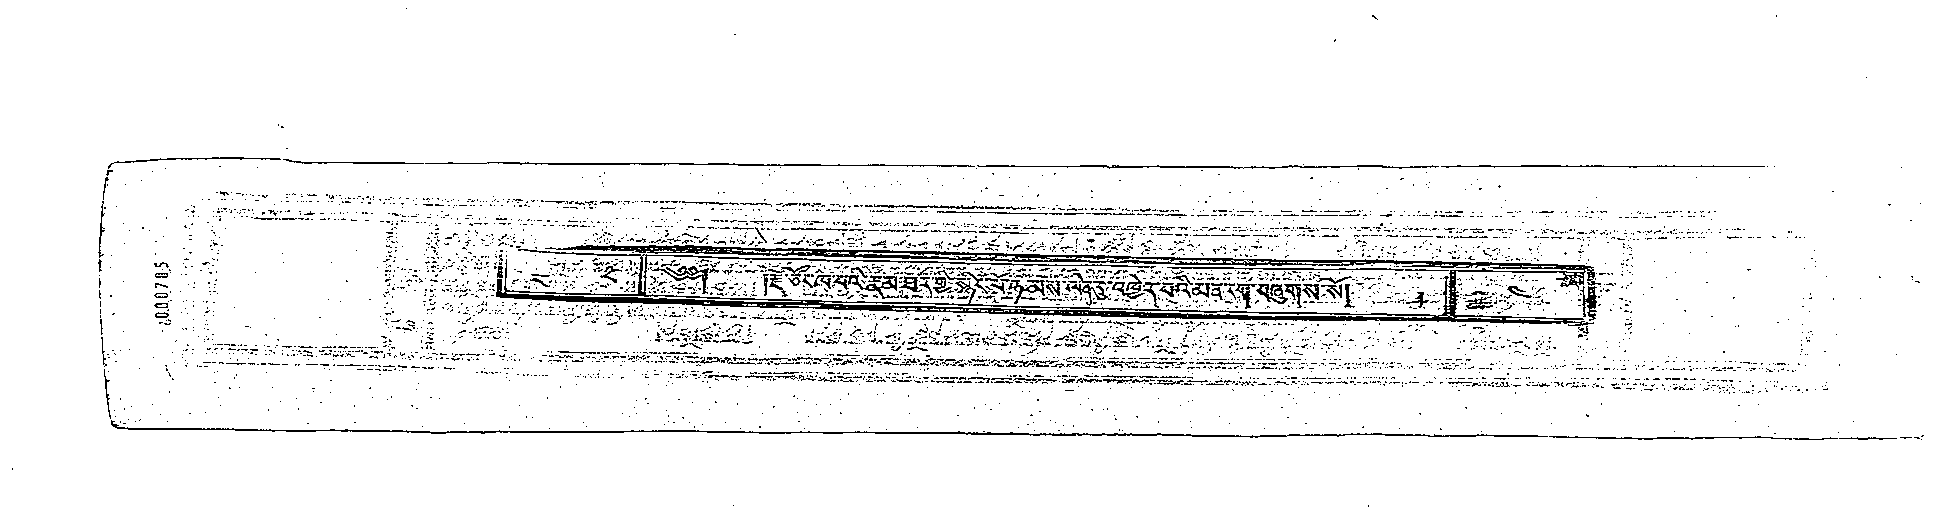ཁ྄ ༡༡
༄༅། །རྗེ་ཙོང་ཁ་པའི་རྣམ་ཐར་གྱི་སྙིང་པོ་ཉམས་ལེན་དུ་འཁྱེར་བའི་མན་ངག་བཞུགས་སོ། །